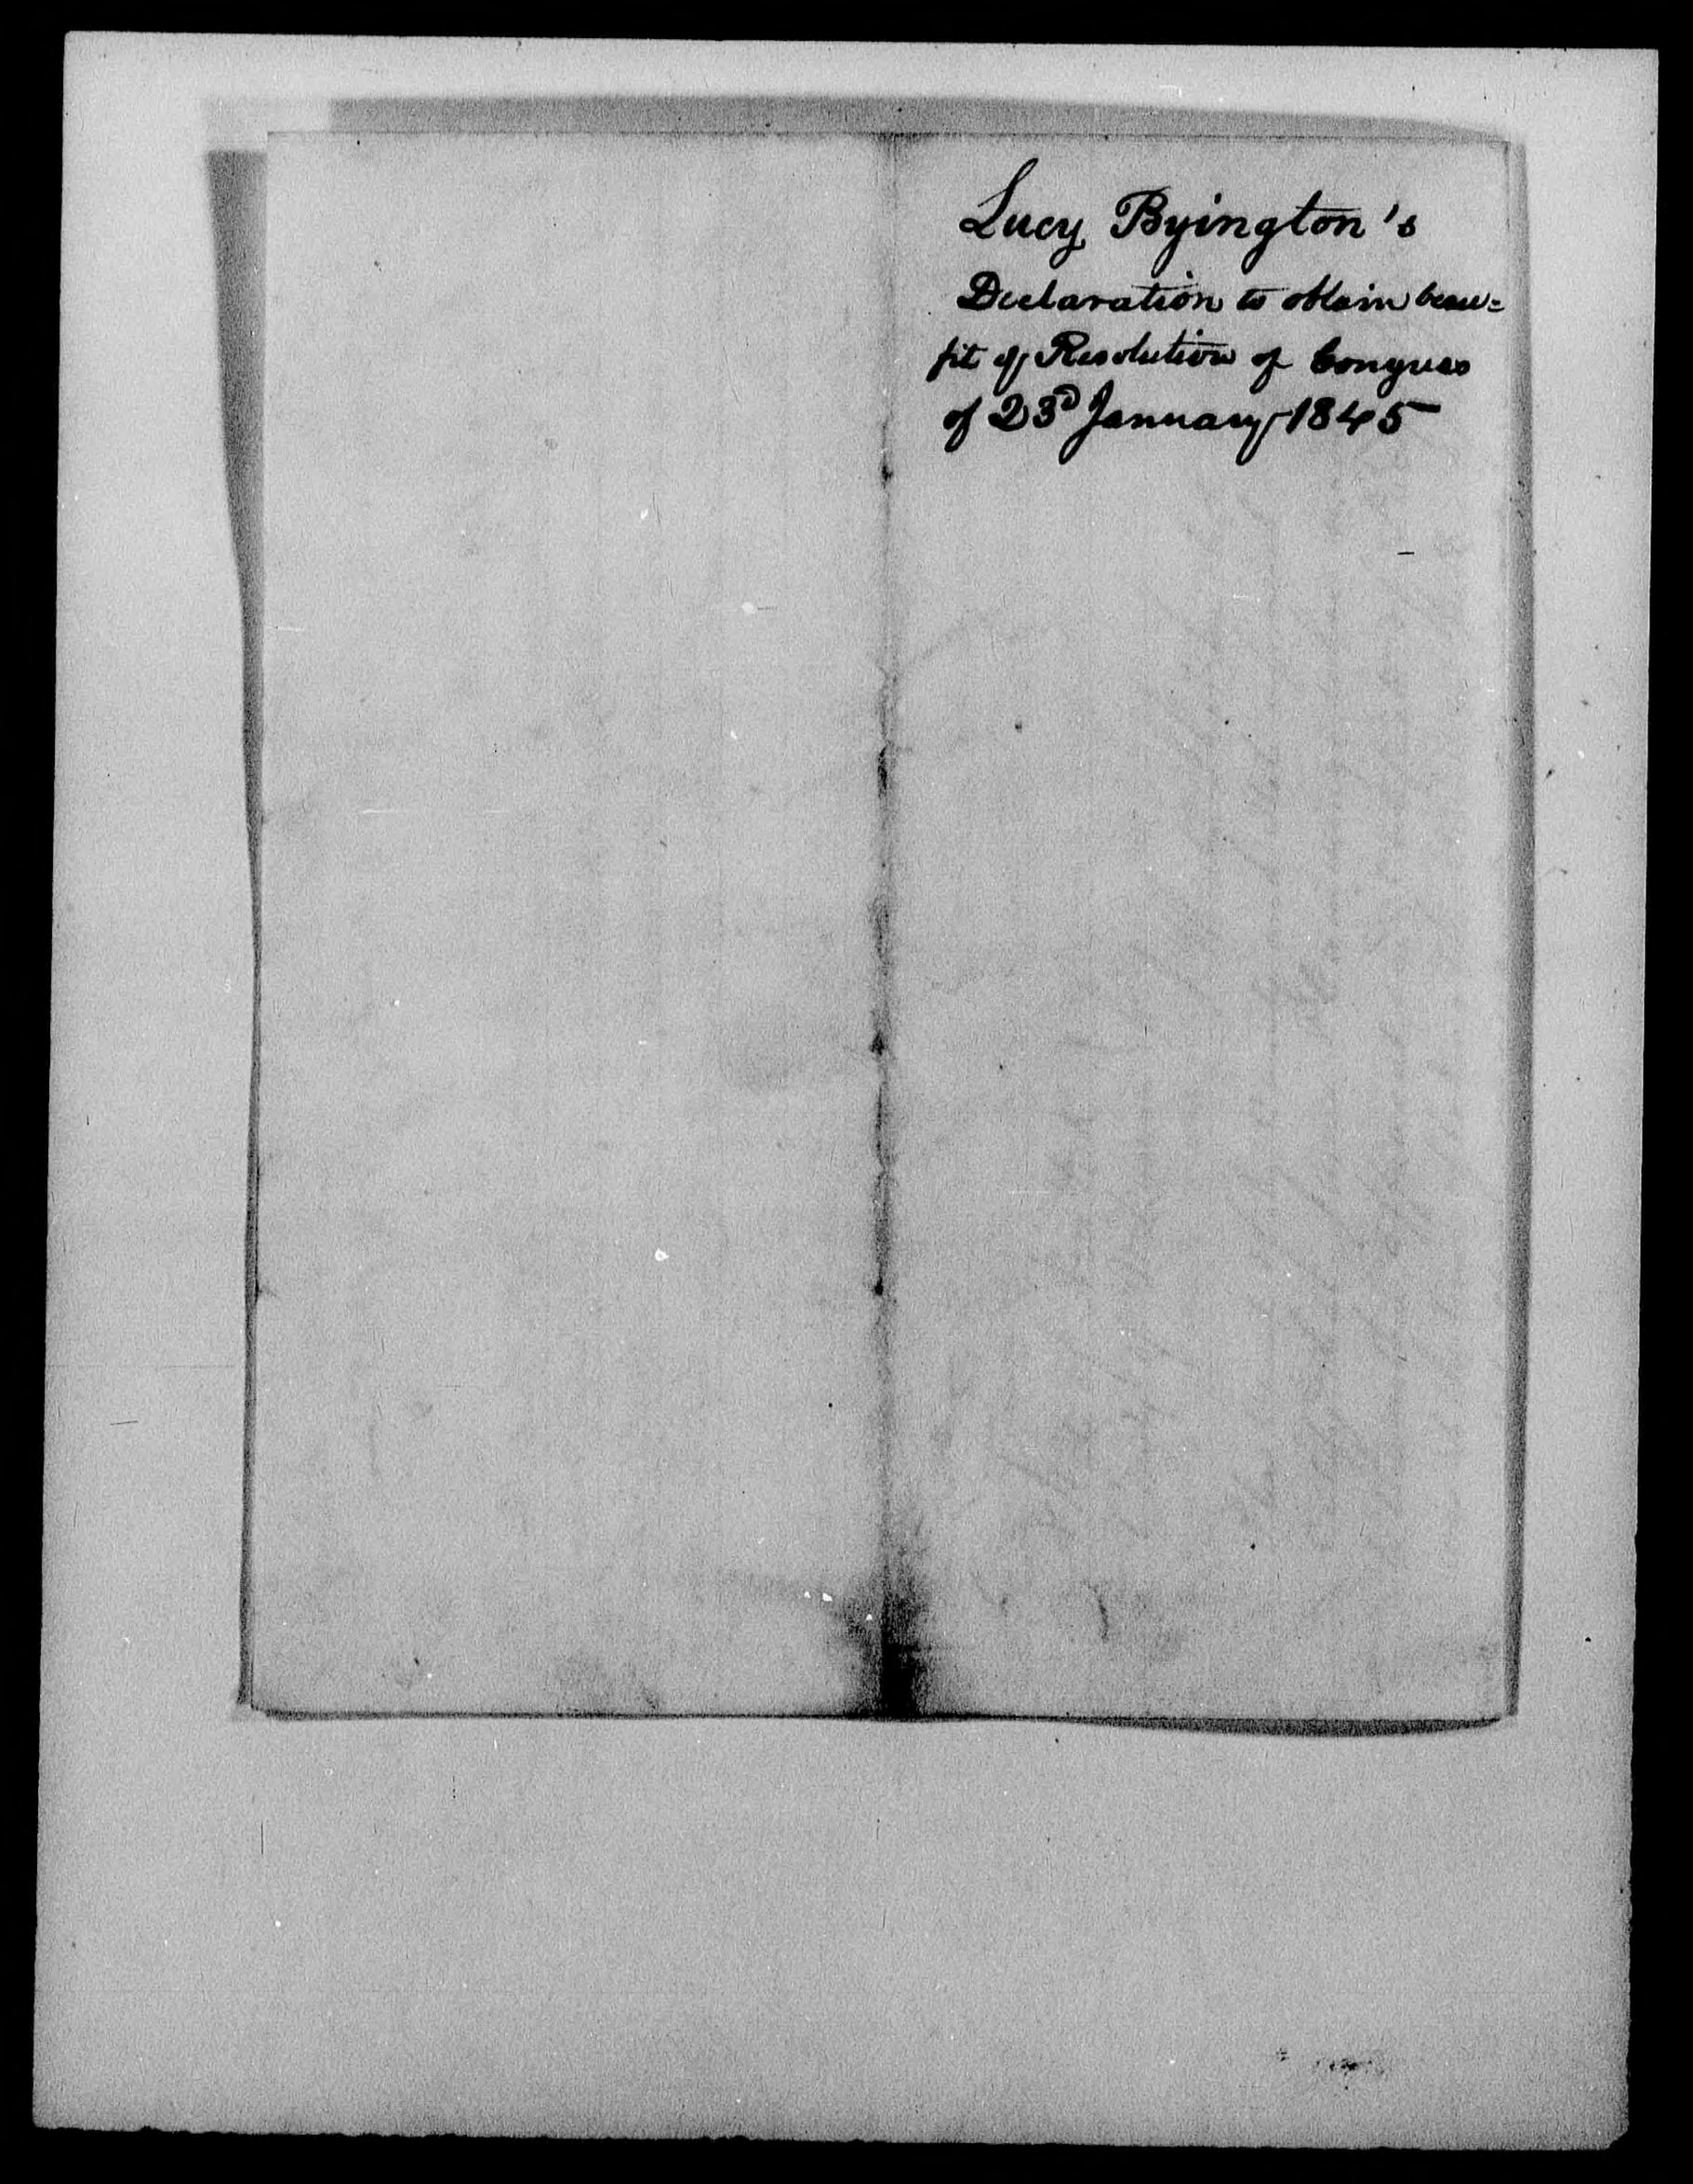Lucy Byington's
Declaration to obtain benefit of Resolution of Congress of 23d January 1845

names: Lucy Byington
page: 59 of 79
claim: widow's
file: W. 23754, Justus Byington, Conn.